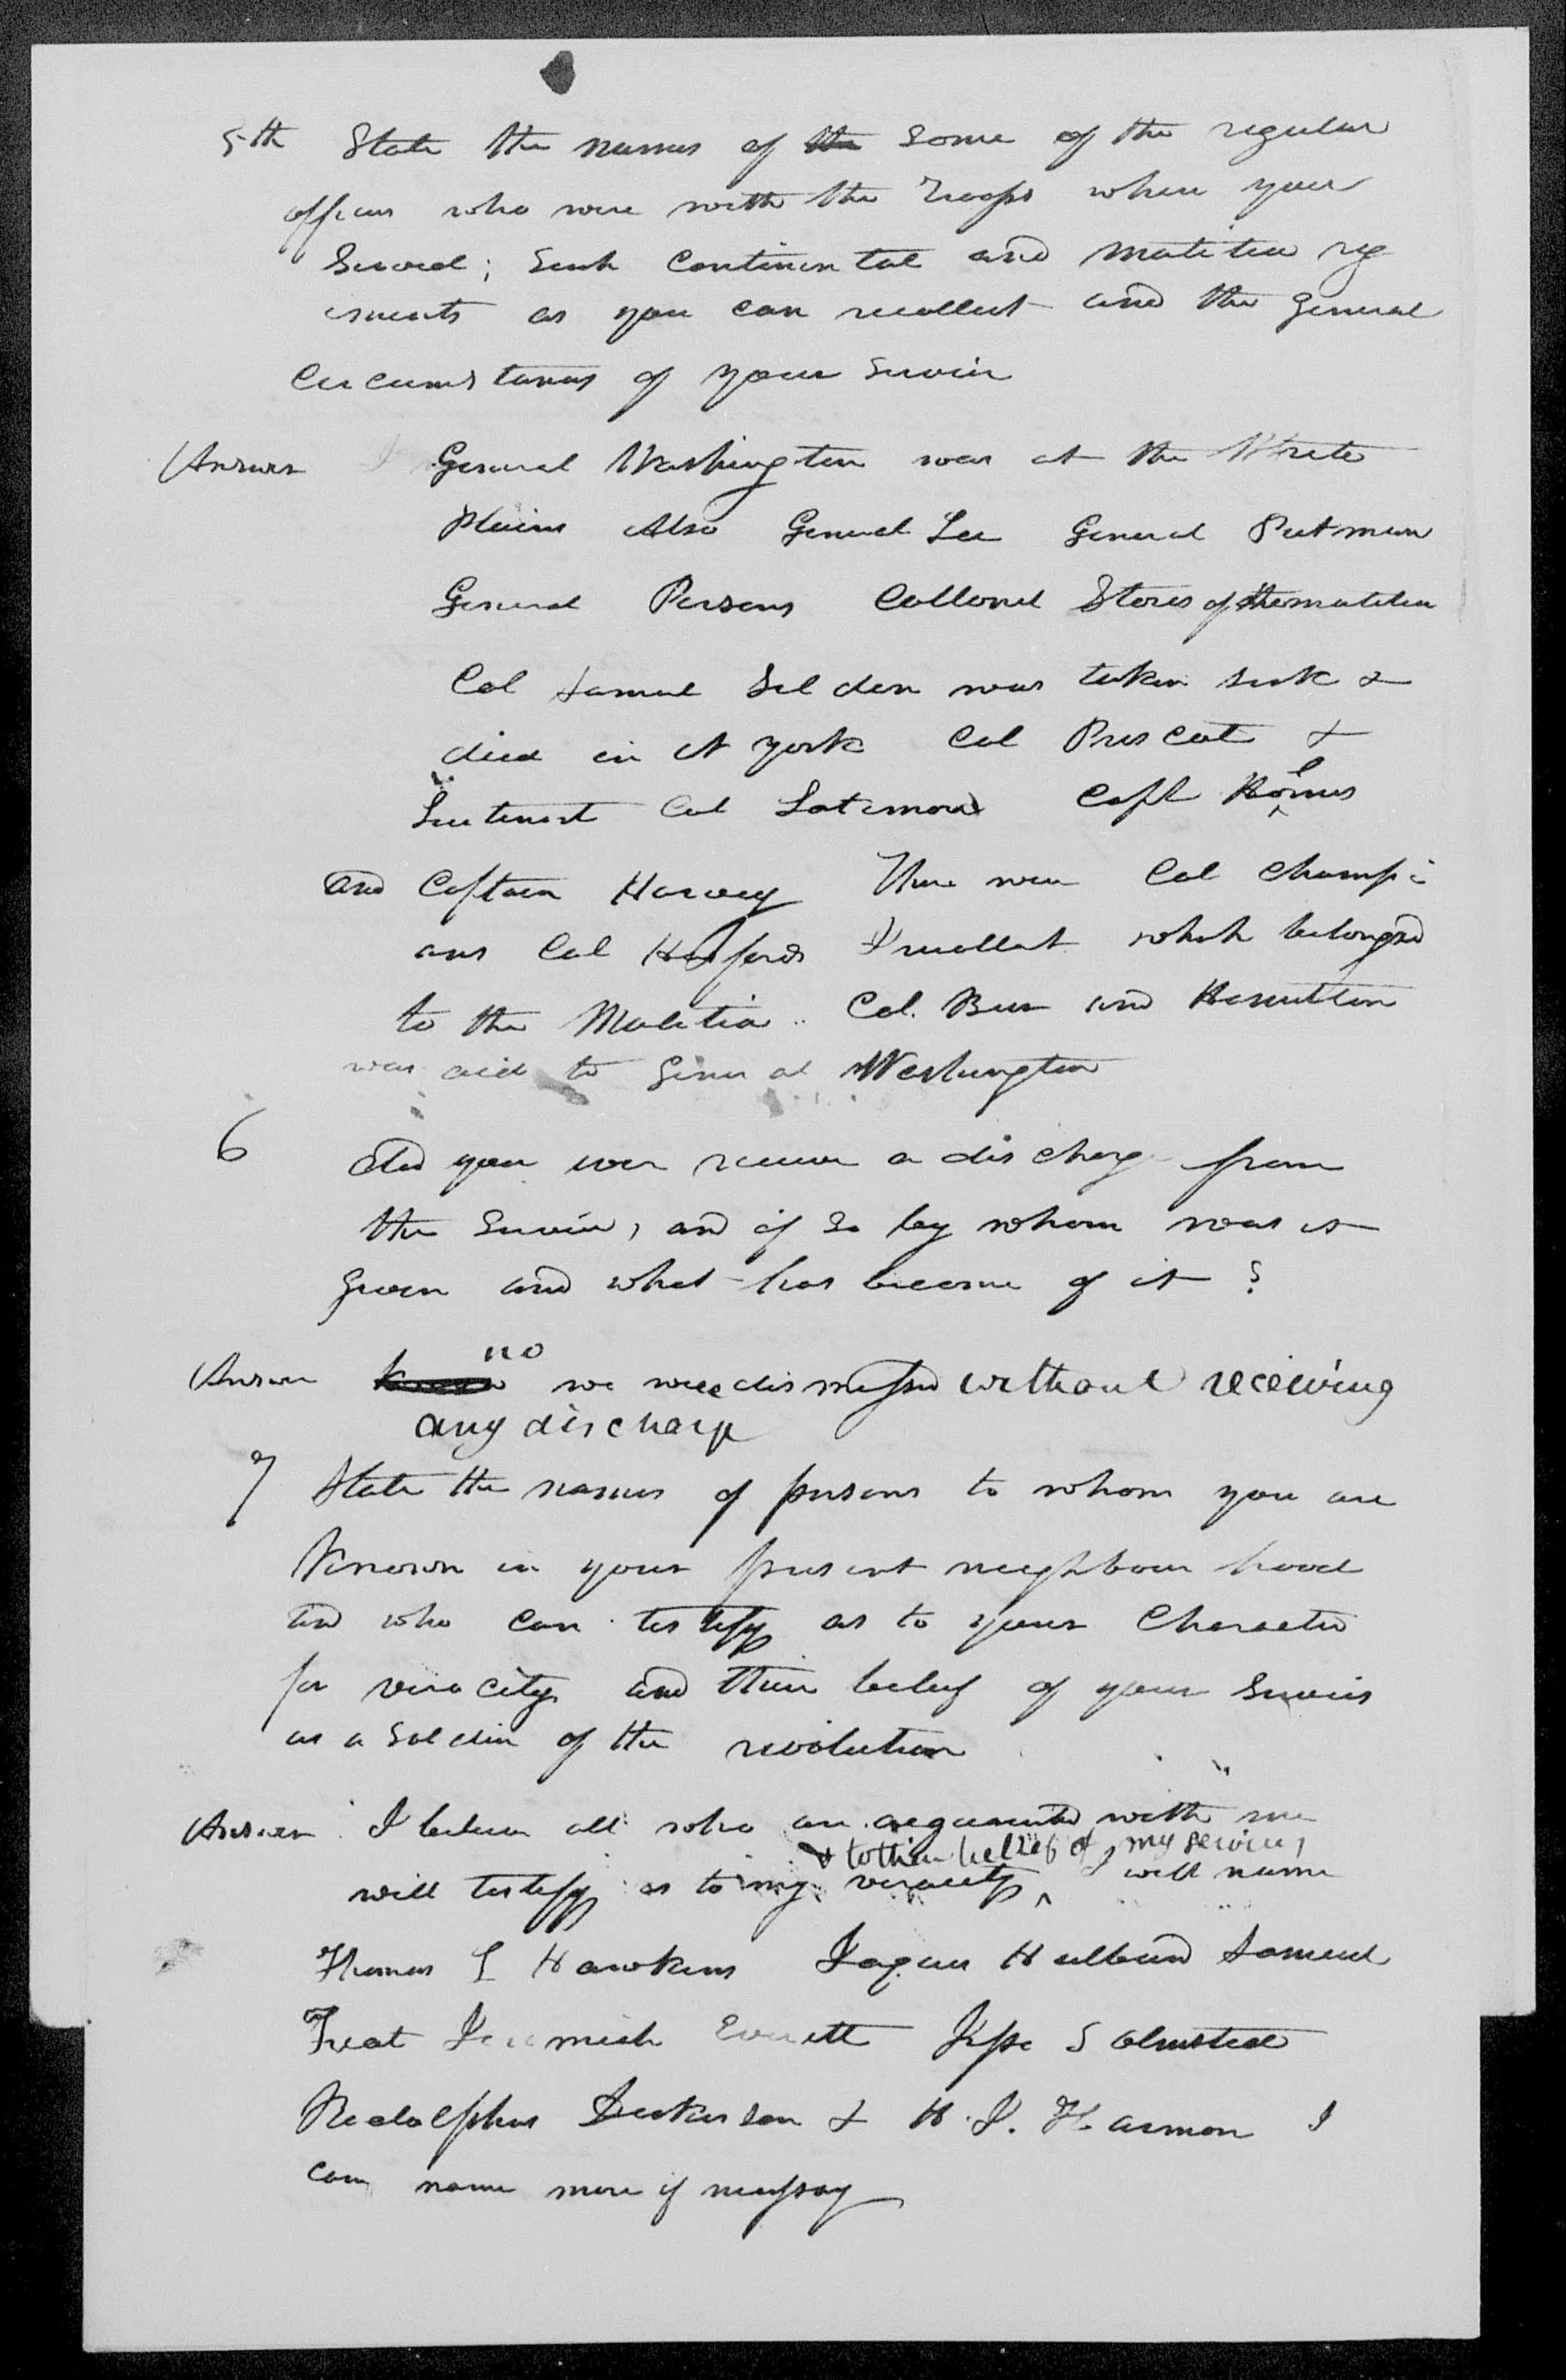5. State the names of some of the regular officers who were with the troops whoere you served. Such Continental and Militia regiments as you can recollect and the general circumstances of your service.
Answer. General Washington was at the White Plains. Also General Lee General Putnam, General Persons, Colonel Stories of the militia, Colonel Samuel Selden was taken sick and died in York. Colonel Prescott and Lieutenent Colonel Lotimore. Captain Bolmus and Captain Harvey. These men Colonel Champion and Colonel Hereford I recollect which belonged to the Militia. Colonel Bun was aid to Sinn at Washington.

6. Did you ever receive a discharge from the service, and if so by whom was it given and what have become of it?
Answer. No we were discharged without receiving any discharge.

7. State the names of persons to whom you are known in your present neighborhood to who can testify as to your character for veracity and their belief of your service as a soldier of the revolution.
Answer. I believe all who are acquatinted with me will testify to my veracity and to their belief of my service. I will name
Thomas L Hawkins, Jacques Hulbard, Samuel, Jeremiah Everett, Olmsted, and H. I. Harmon. I can name more if necessary.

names: Holmes, Persons, Lee, Jaques Hulburd, Washington, Harvey, Thomas L Hawkins, Herford, Champions, H J Harmon, Putman, Jesse S Olmsted, Samuel Selden, Steres, Samuel Treat, Hamilton, Jeremiah Everett, Bur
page: 8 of 30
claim: survivor's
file: S. 3099, Daniel Brainard, Conn. Privateer